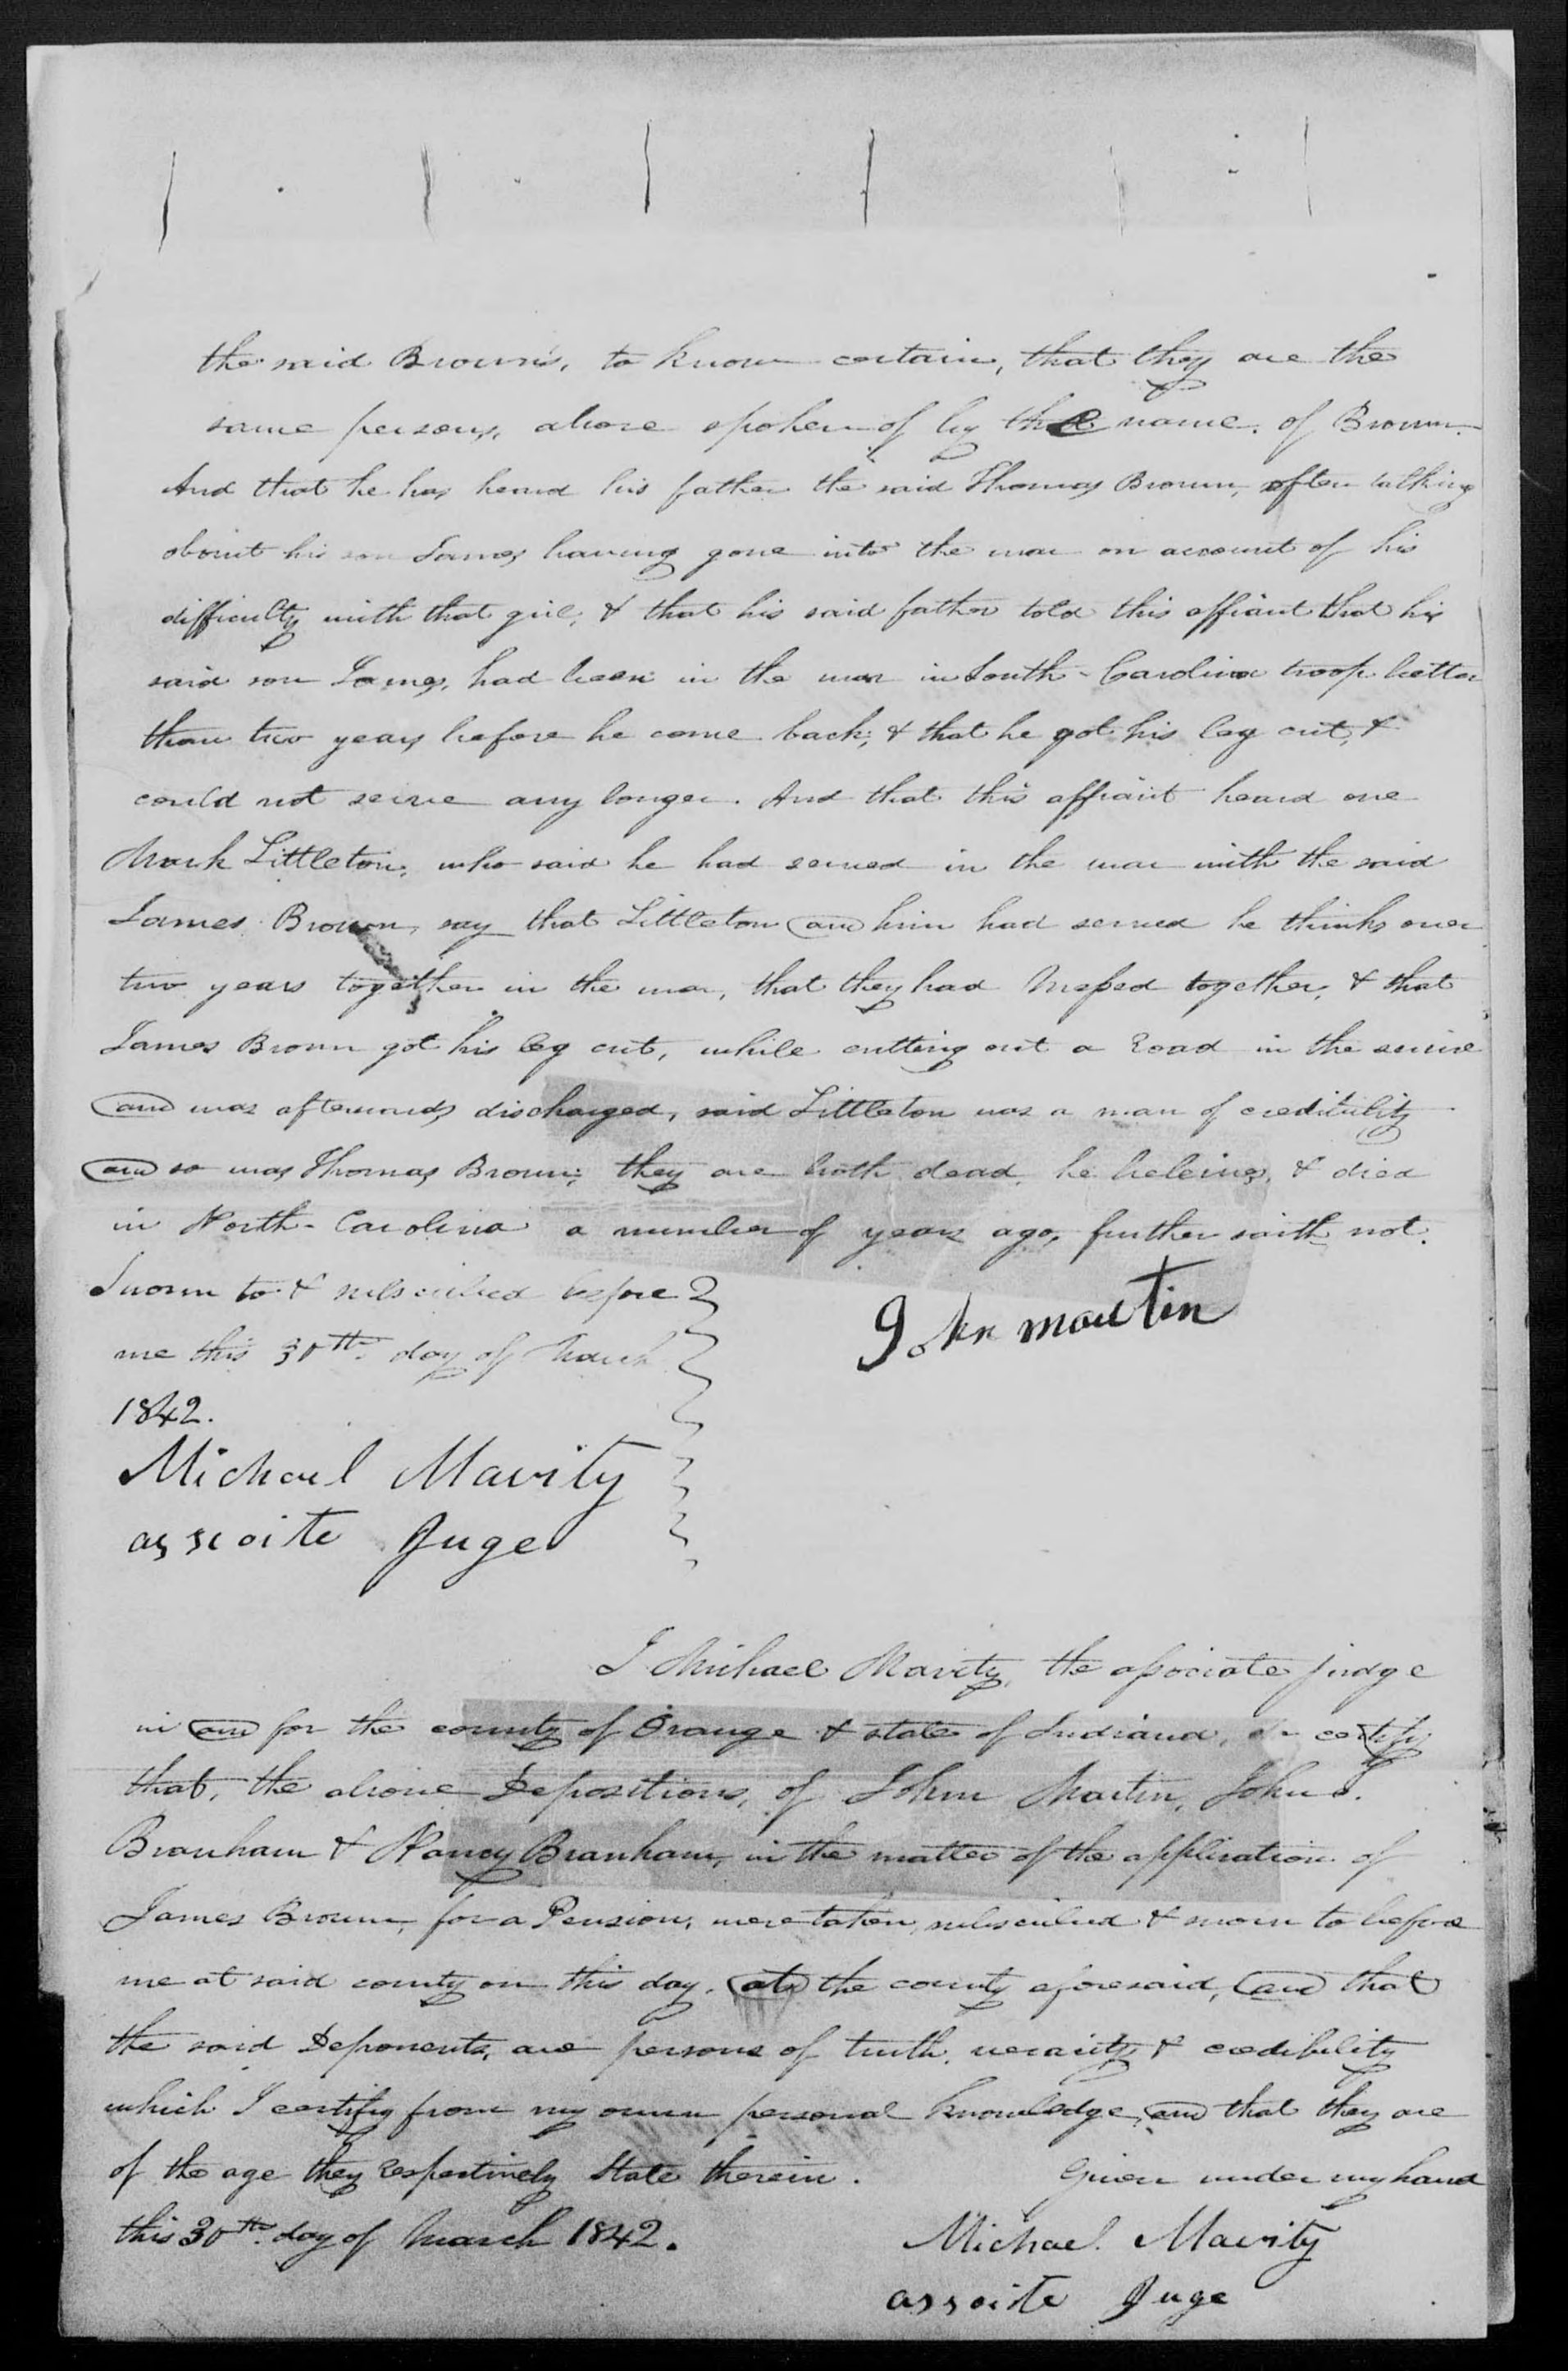the said Brown, to know certain, that they are the same persons above spoken of by the name of Brown
And that he has heard his father the said Thomas Brown, often talking
about his son James having gone into the war on account of his
difficulty with that girl, & that his said father told this affiant that his
said son James, had been in the war in South Carolina troop better
than two years before he come back, & that he got his leg cut & could not serve any longer. And that this affiant heard one Mack Littleton, who said he had served in the war with the said
James Brown, say that Littleton and him had served he thinks over
two years together in the war, that they had messed together, & that
James Brown got his leg cut, while cutting out a road in the service
and was afterwards discharged, said Littleton was a man of credibility
and so was Thomas Brown; they are both dead, he believes, & died
in North Carolina a number of years ago, further saith not.
s/ John Martin
Sworn to & subscribed before me this 30th day of March 1842.
s/ Michael Mavity associate Judge
I, Michael Mavity, the associate Judge
in and for the County of Orange & state of Indiana, that the above Depositions of John Martin, John S.
Branham & Nancy Branham in the matter of the application of
James Brown for a Pension, were taken, subscribed & sworn to before
me at said county on this day at the county aforesaid, and that the
said Deponents, and persons of truth, veracity & credibility which I certify from my own personal knowledge, and that they are of the age they respectively state therein
Given under my hand this 30th day of March 1842.
s/ Michael Mavity associate Judge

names: John Martin, Brown, James, Michael Mavity, Michael Mavity, James Brown, James Brown, James, James Brown, John T Branham, Brown, Michael Mavity, Nancy Branham, Thomas Brown, Thomas Brown, John Martin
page: 18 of 41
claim: rejected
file: R. 1309, James Brown, S.C.